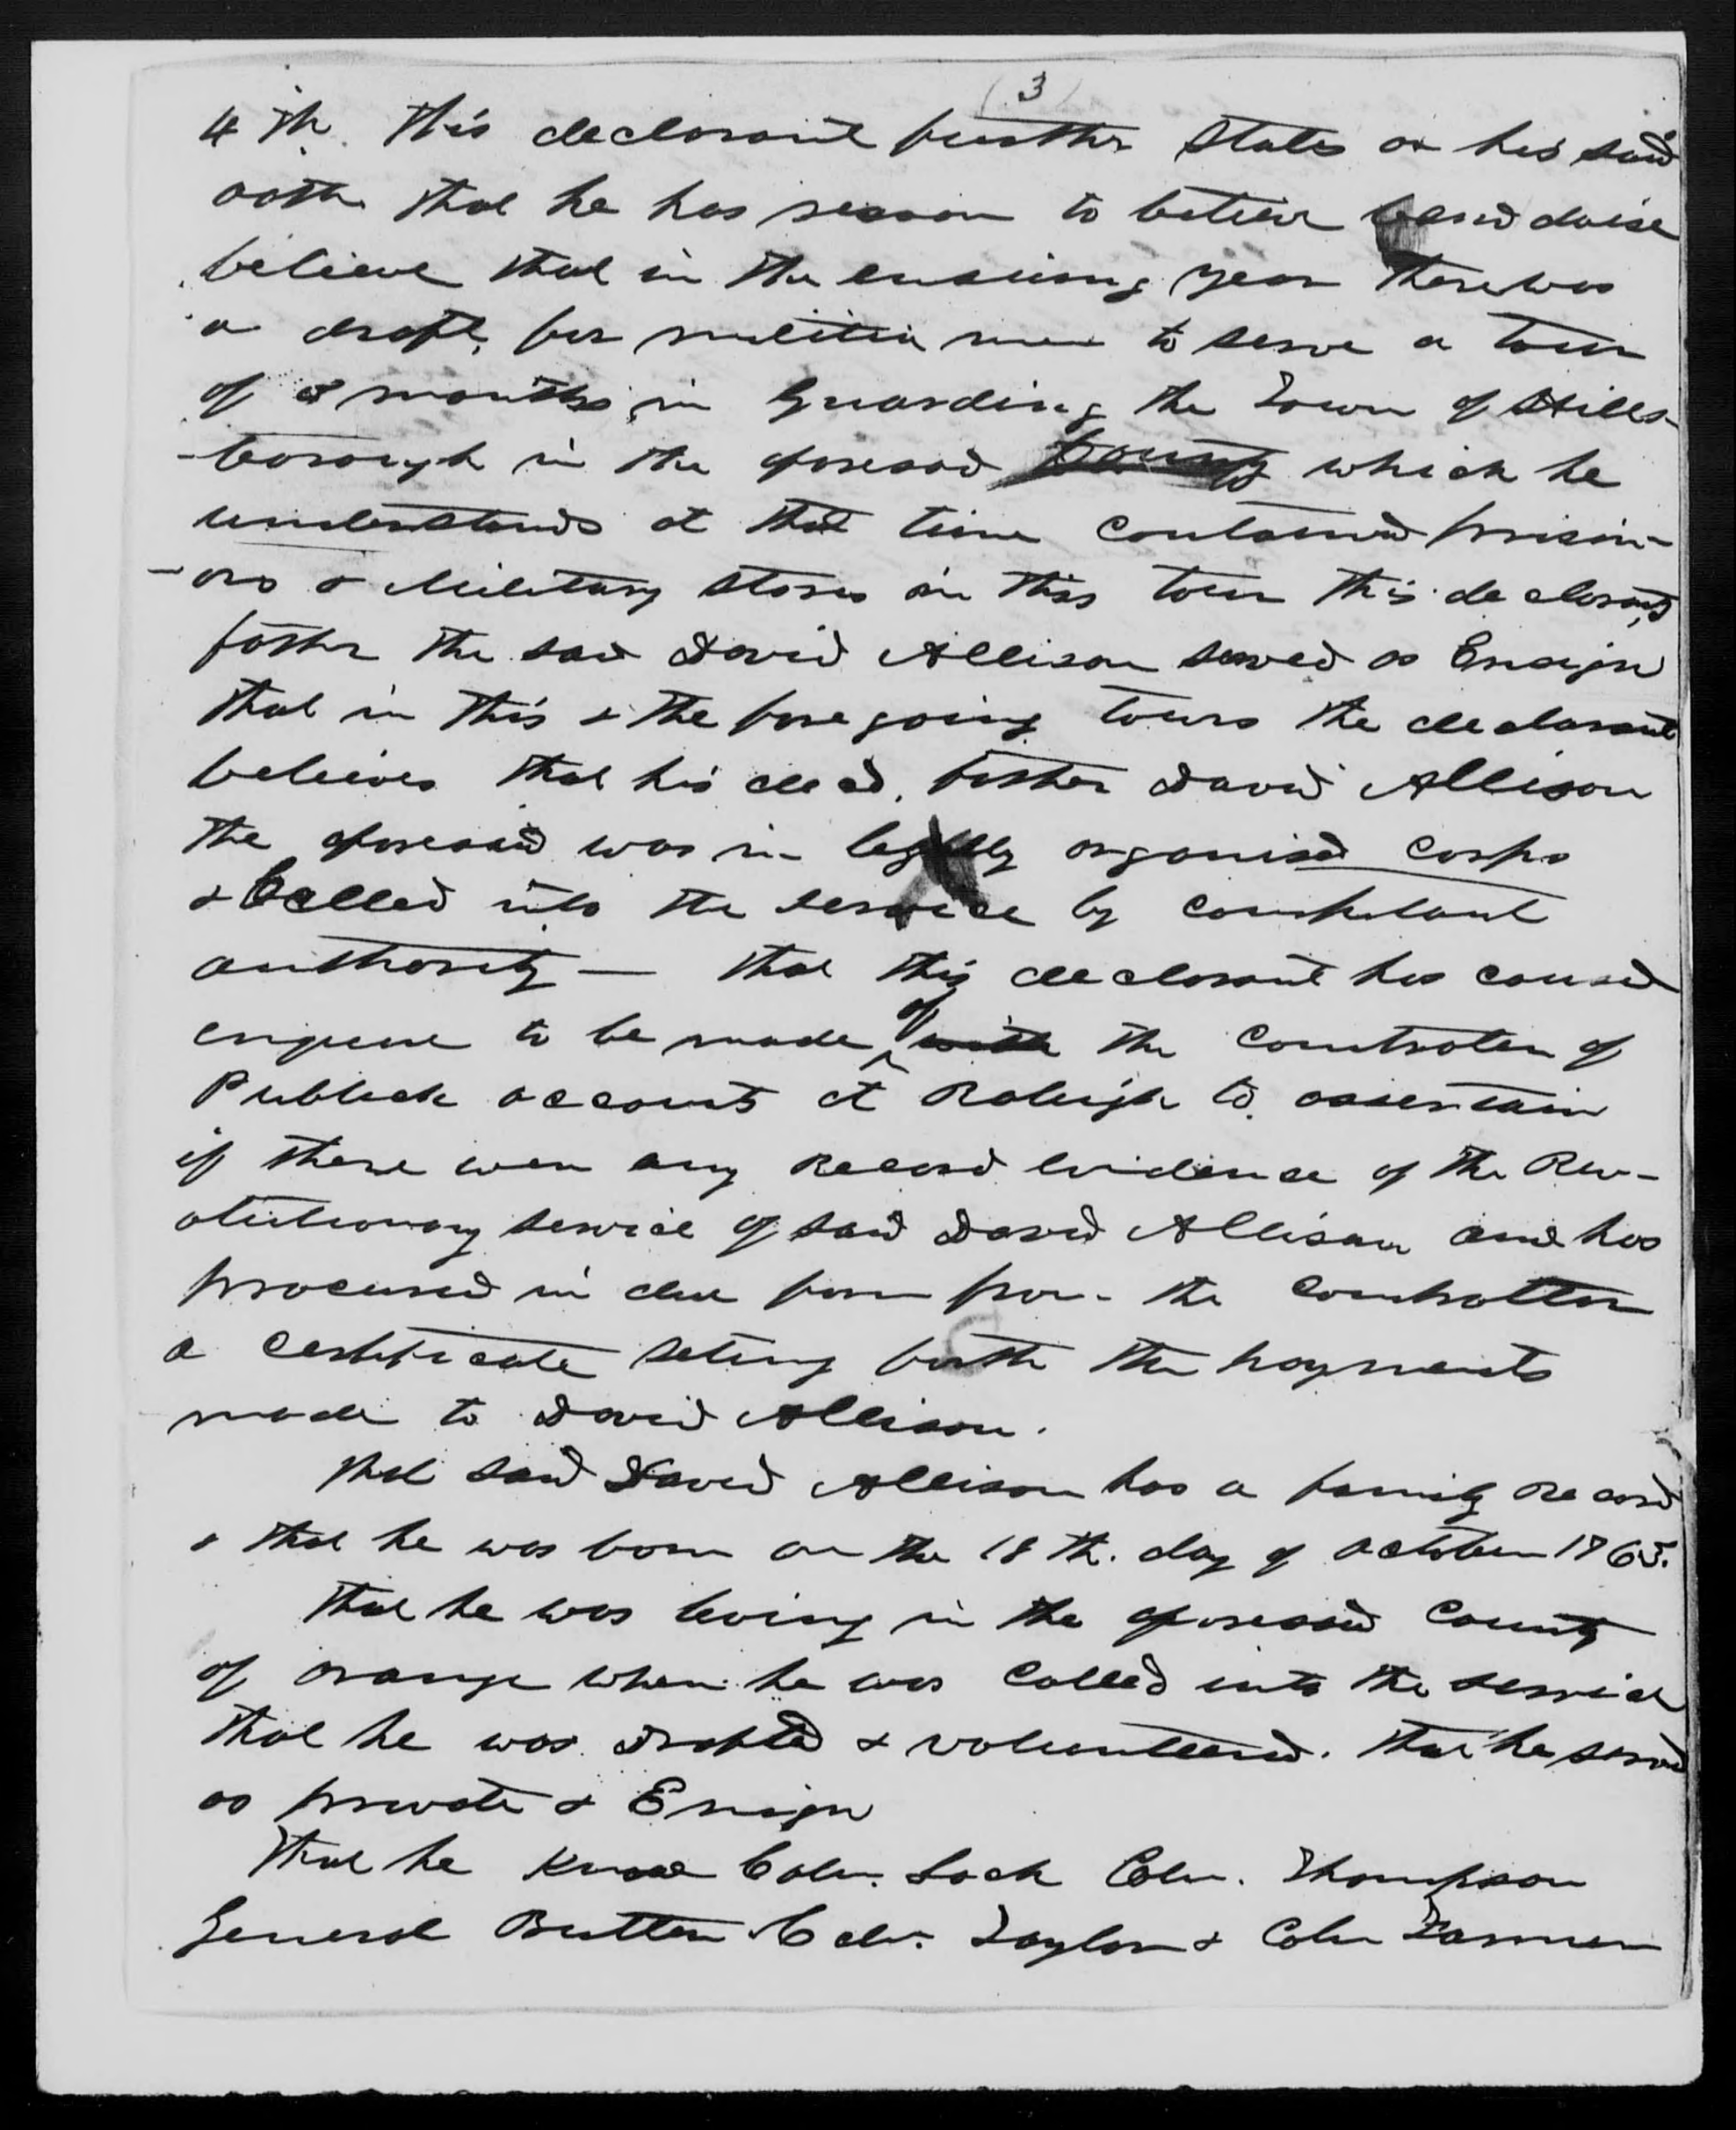4th. This declarant states on his said oath that he has reason to believe [illegible] that in the ensuing year there was a draft for militia men to serve a tour of  3 months in guarding the town of Stillsborough in the aforesaid county which he understands at that time contained prisoners and military stores.  In this tour this declarant's father, the said David Allison served as ensign that in this and the foregoing tours the declarant believes that his [illegible] father, David Allison the aforesaid was in legally organized corps and called into the service by competent authority.  That this declarant has caused inquiry to be made of the controller of public accounts at Raleigh, to ascertain if there were any record evidence of the revolutionary service of said David Allison and has procured in due form from  the controller a certificate seting both the payments made to David Allison.
That said David Allison has a family record and that he was born on the 18th day of October 1863.  That he was living in the aforesaid county of Orange when he was called into the service that he was drafted and volunteered.  That he served as private and ensign.
That he knose Col. Lock, Col, Thompson, General Butler, Col Taylor and Col Lamers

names: Thompson, Taylor, David Allison, David Allison, David Allison, David Allison, Fanner, David Allison, Butler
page: 4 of 33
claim: rejected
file: R. 155, David Allison, N.C.